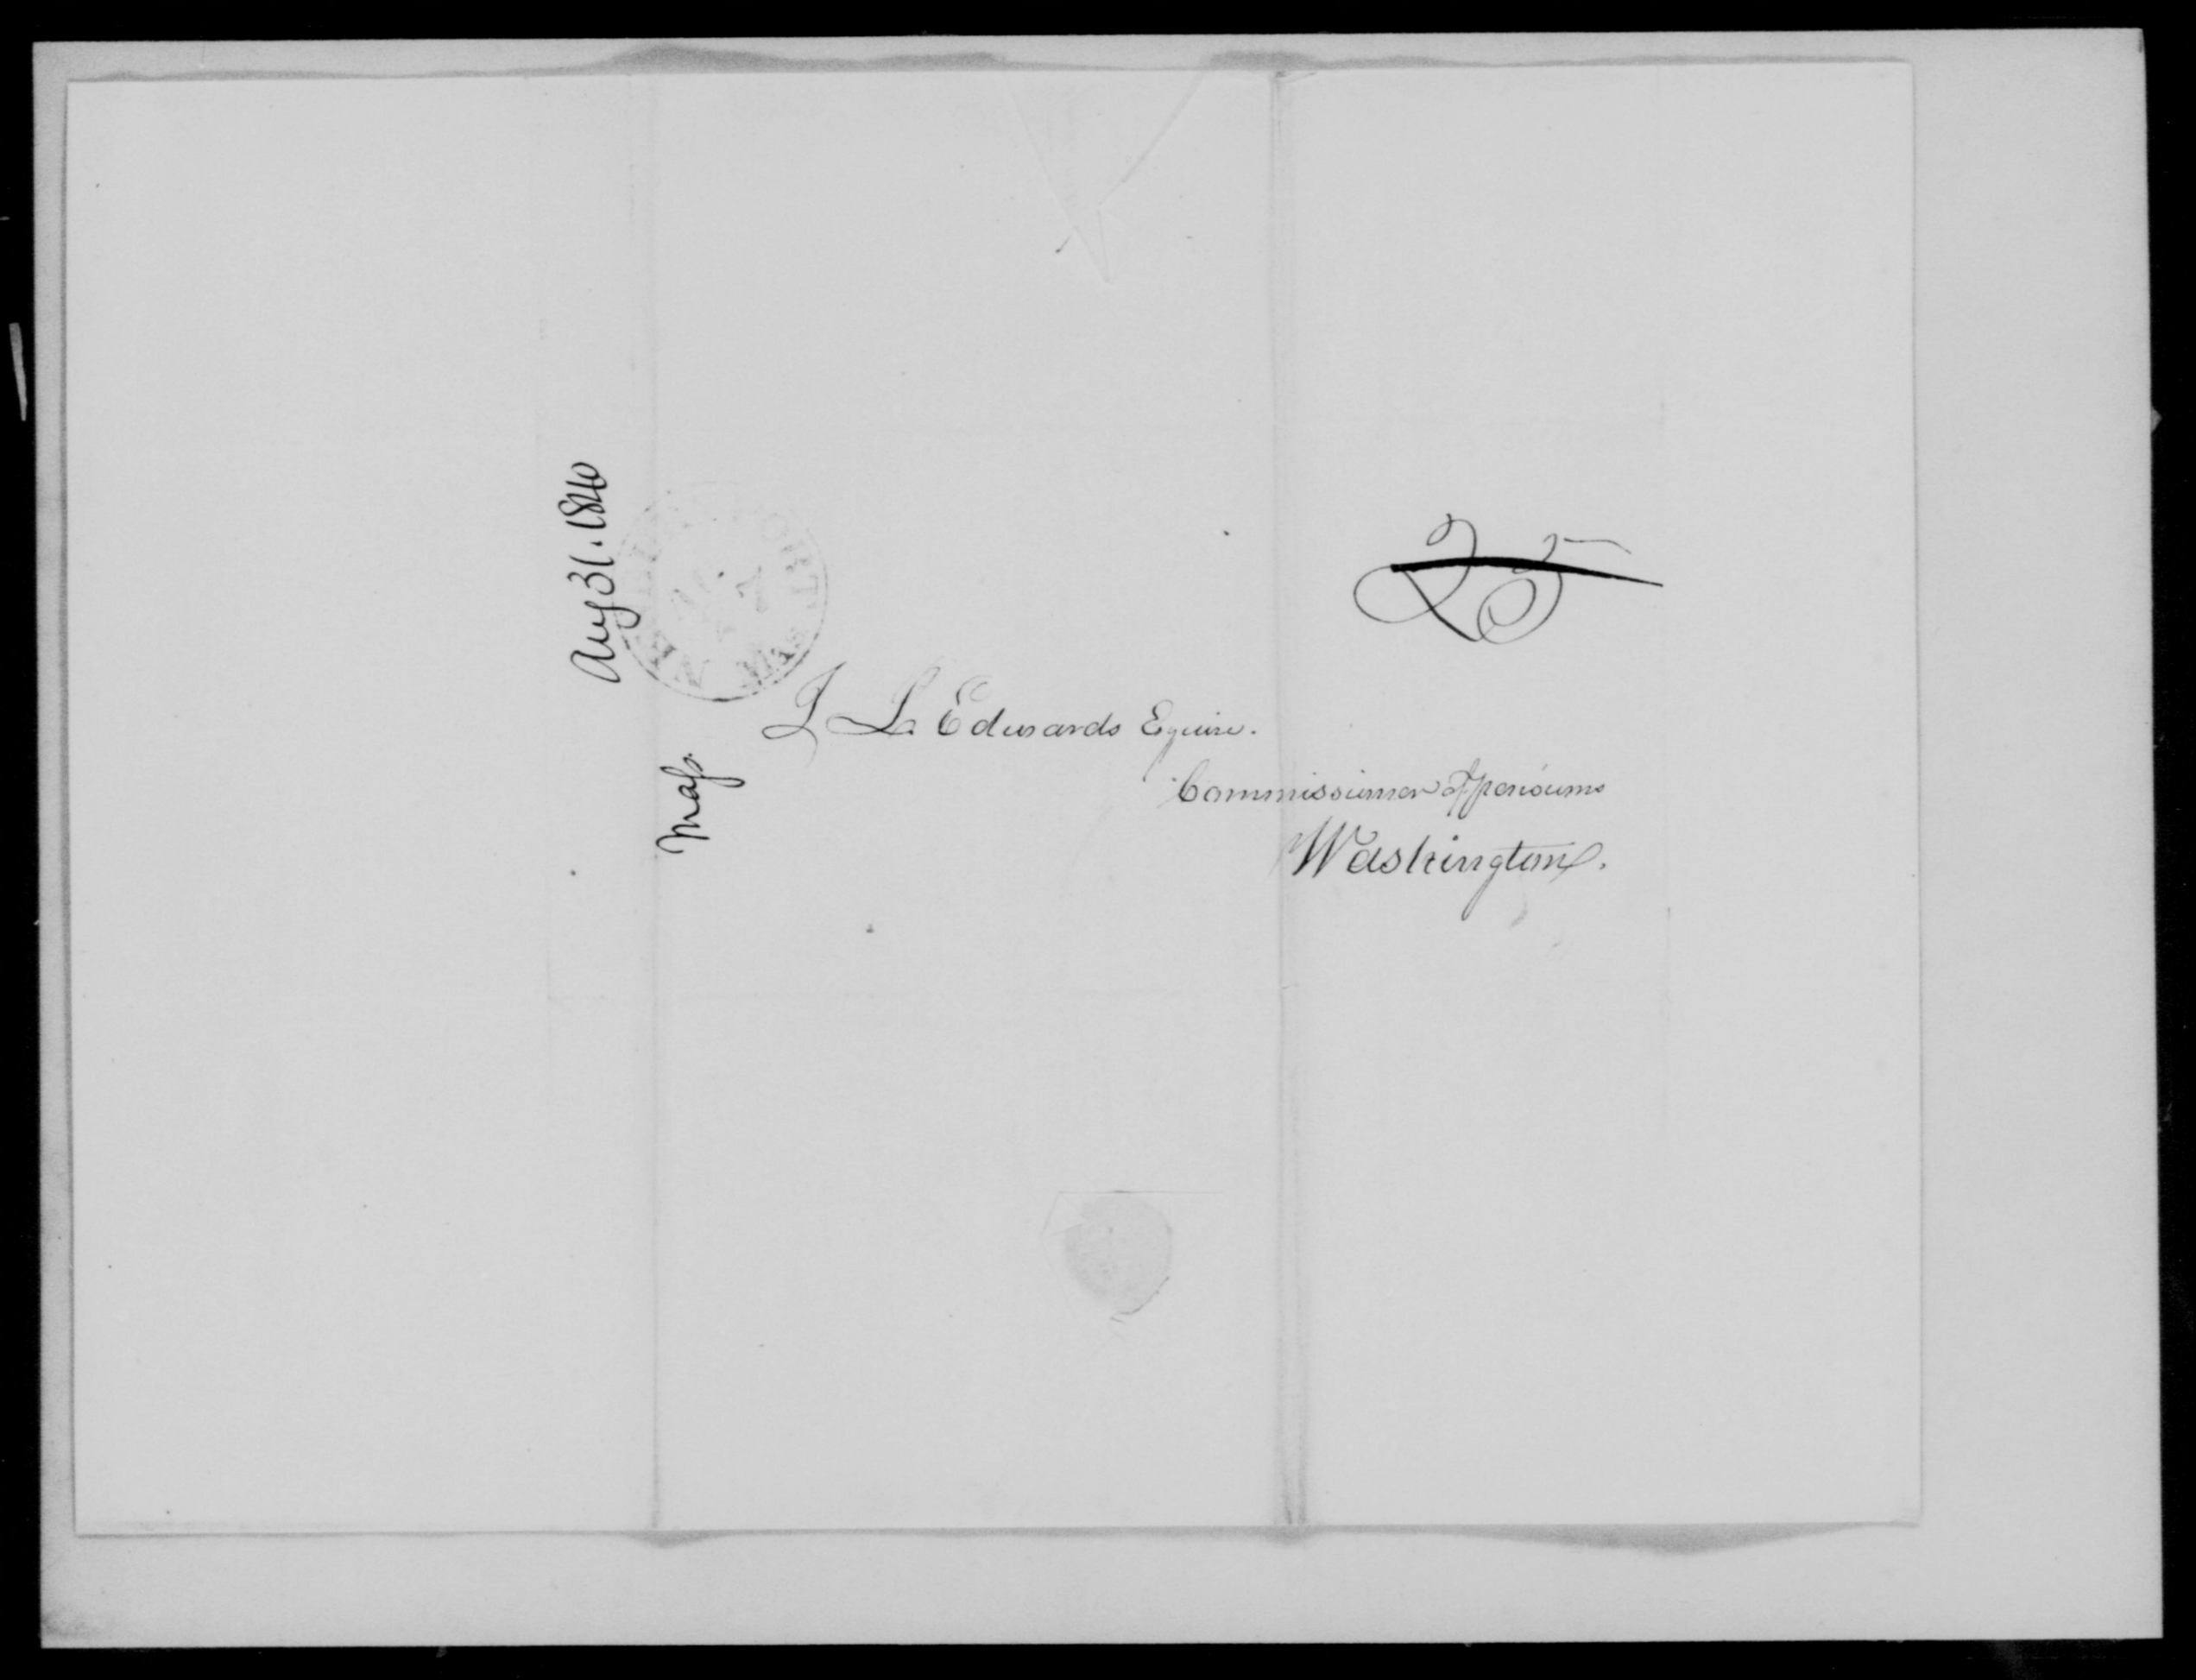August 31, 1840
Mass

[stamp] Newburyport, Mas
Aug 27

25 [crossed out]

JL Edwards Esquire
Commissioner of Pensions
Washington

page: 55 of 55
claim: widow's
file: W. 14,021, for Samuel Tilton, New Hampshire